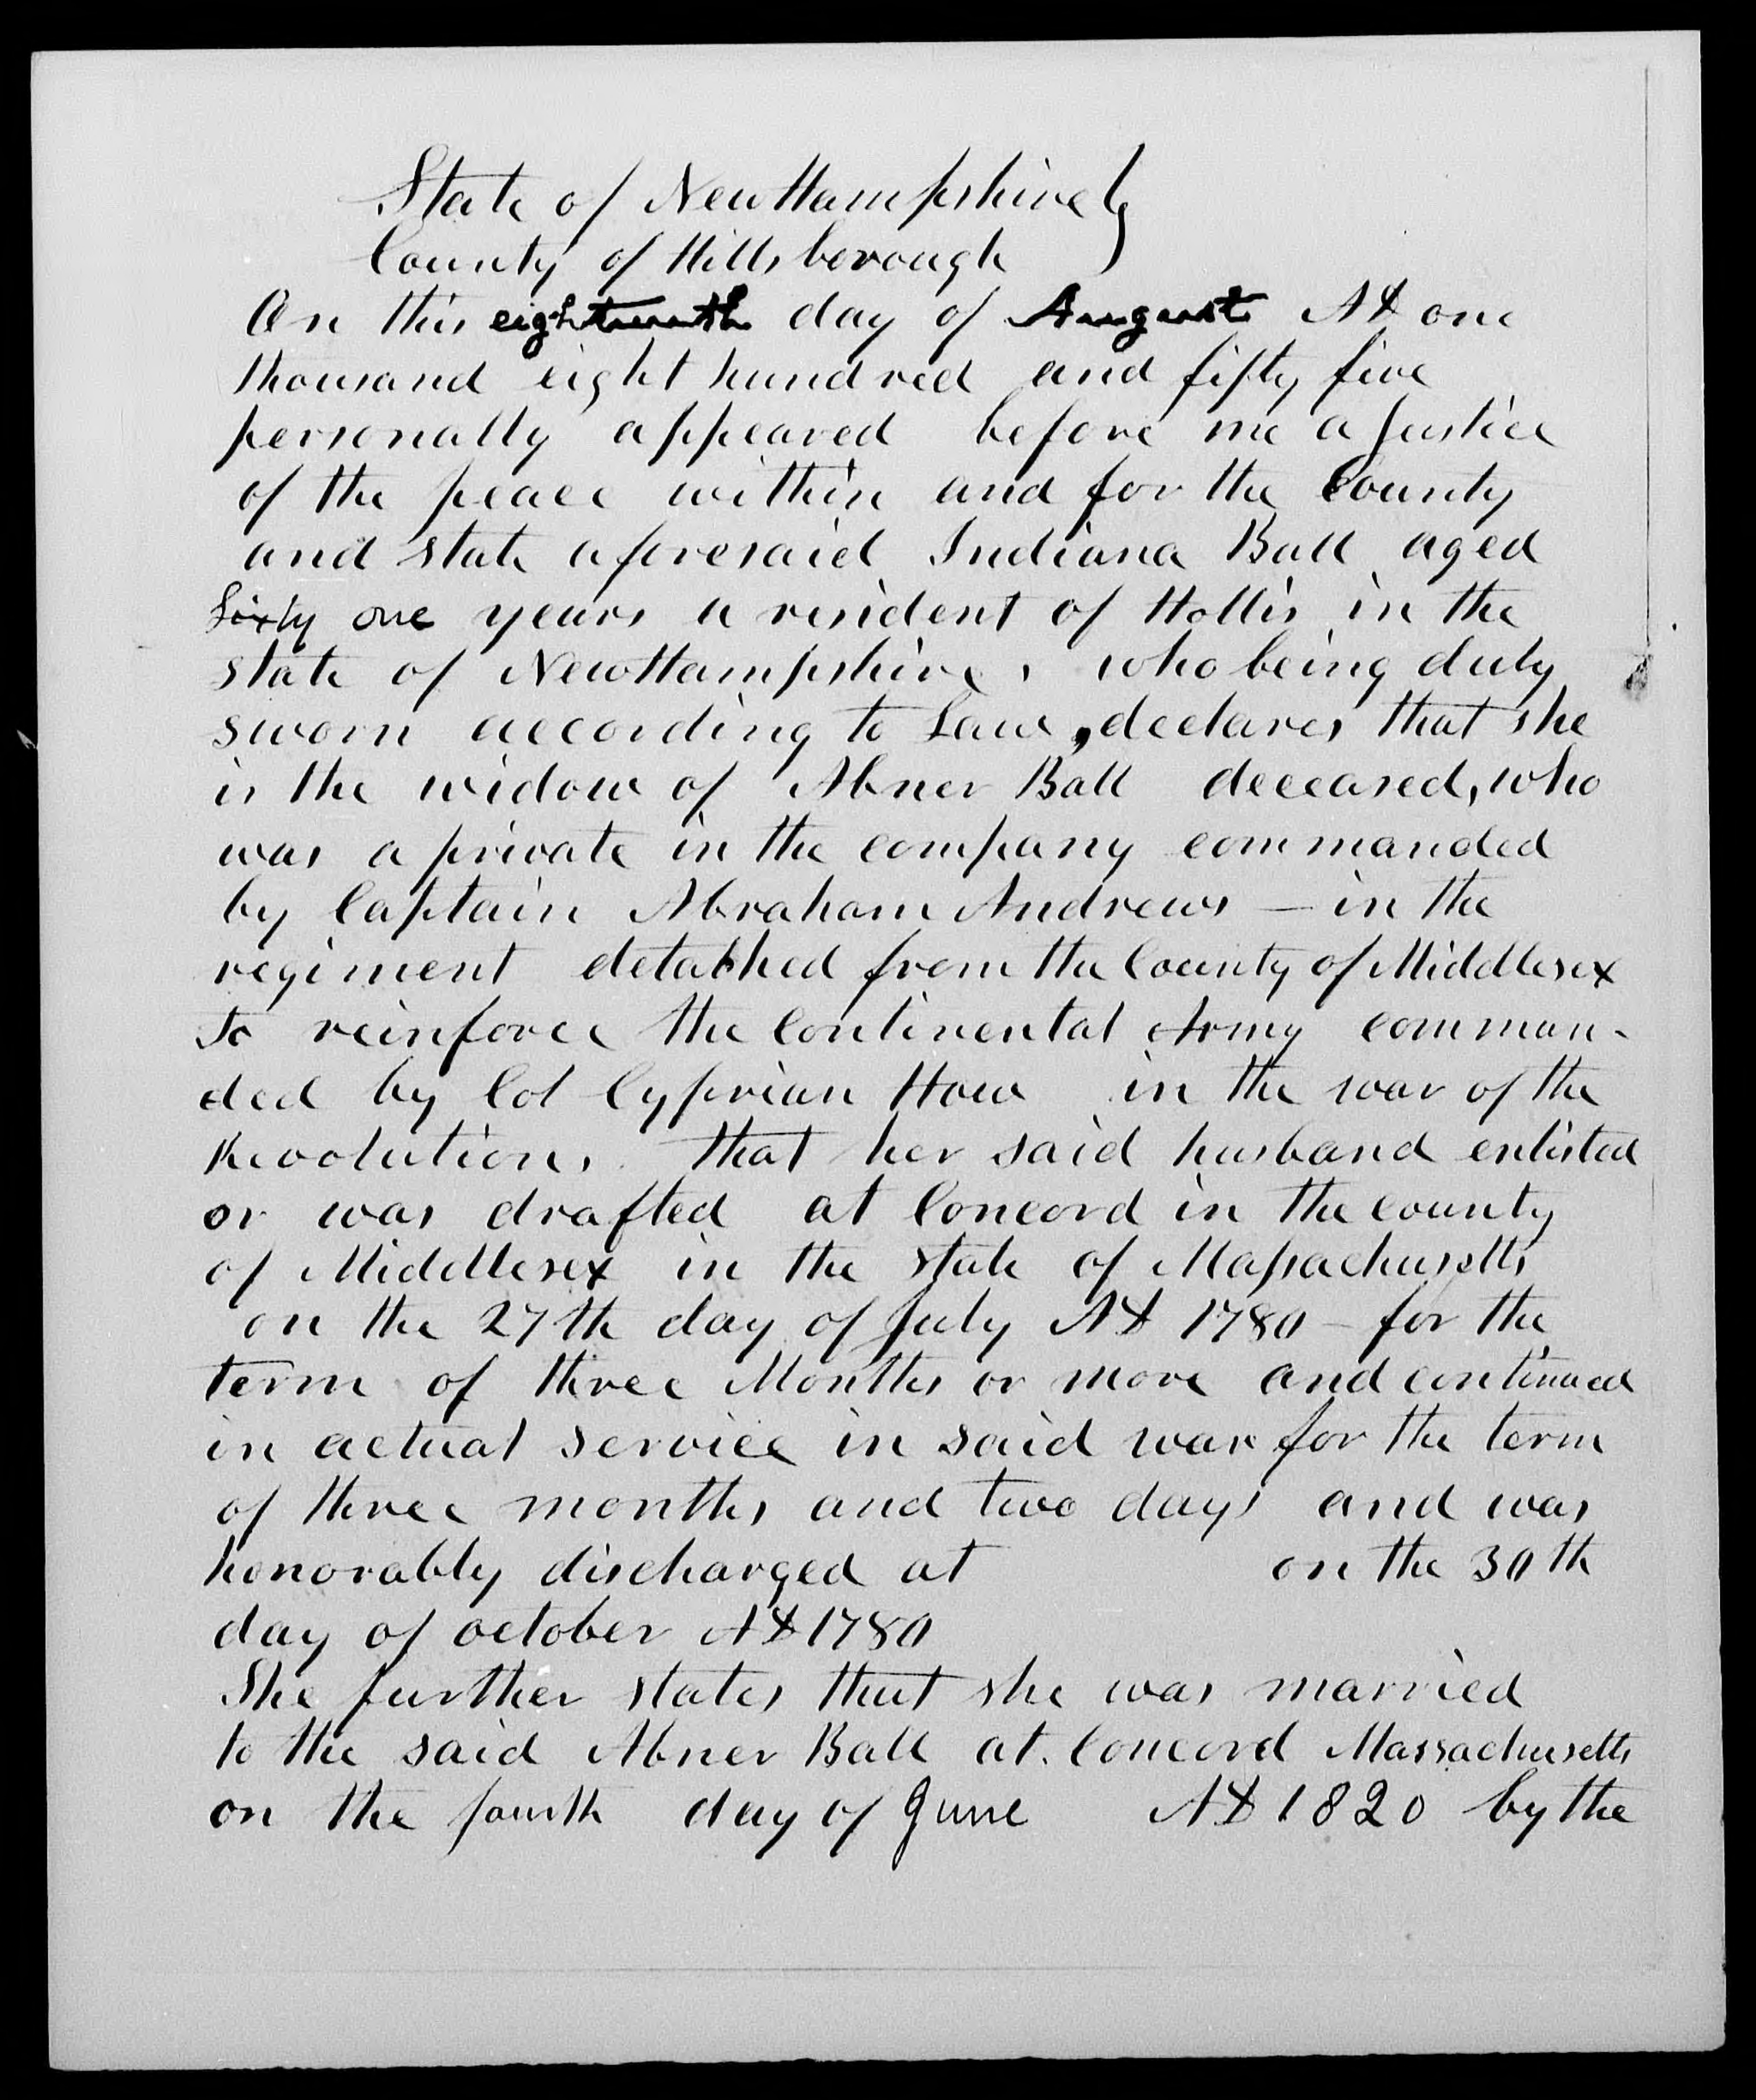State of New Hampshire
County of Hillsborough
On the eighteenth day of August At one
thousand eight hundred and fifty five
personally appeared before me a Justice
of the Peace within and for the County
and State aforesaid Indiana Ball aged
sixty one years a resident of Hollis in the
State of New Hampshire, who being duly 
sworn according to Law, declare that she 
is the widow of Abner Ball deceased, who 
was a private in the company commanded
by Captain Abraham Andrews - in the 
regiment detached from the County of Middlesex 
to reinforce the Continental Army comman-
did by Col Cyprian How in the war of the
Revolution that her said husband enlisted 
or was drafted at Concord in the county 
of Middlesex in the state of Massachusetts
on the 27th day of July A.D. 1780 - for the
term of three Months or more and continued
in actual service in said war for the term 
of three months and two days and was
honorably discharged at on the 30th
day of October AD 1780
She further states that she was married 
to the said Abner Ball at Concord Massachusetts
on the fourth day of June AD 1820 by the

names: Abraham Andrews, Abner Ball, How, Indiana Ball, Abner Ball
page: 3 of 16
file: B. L. Wt, 36670-160-55, Abner Ball, Mass.